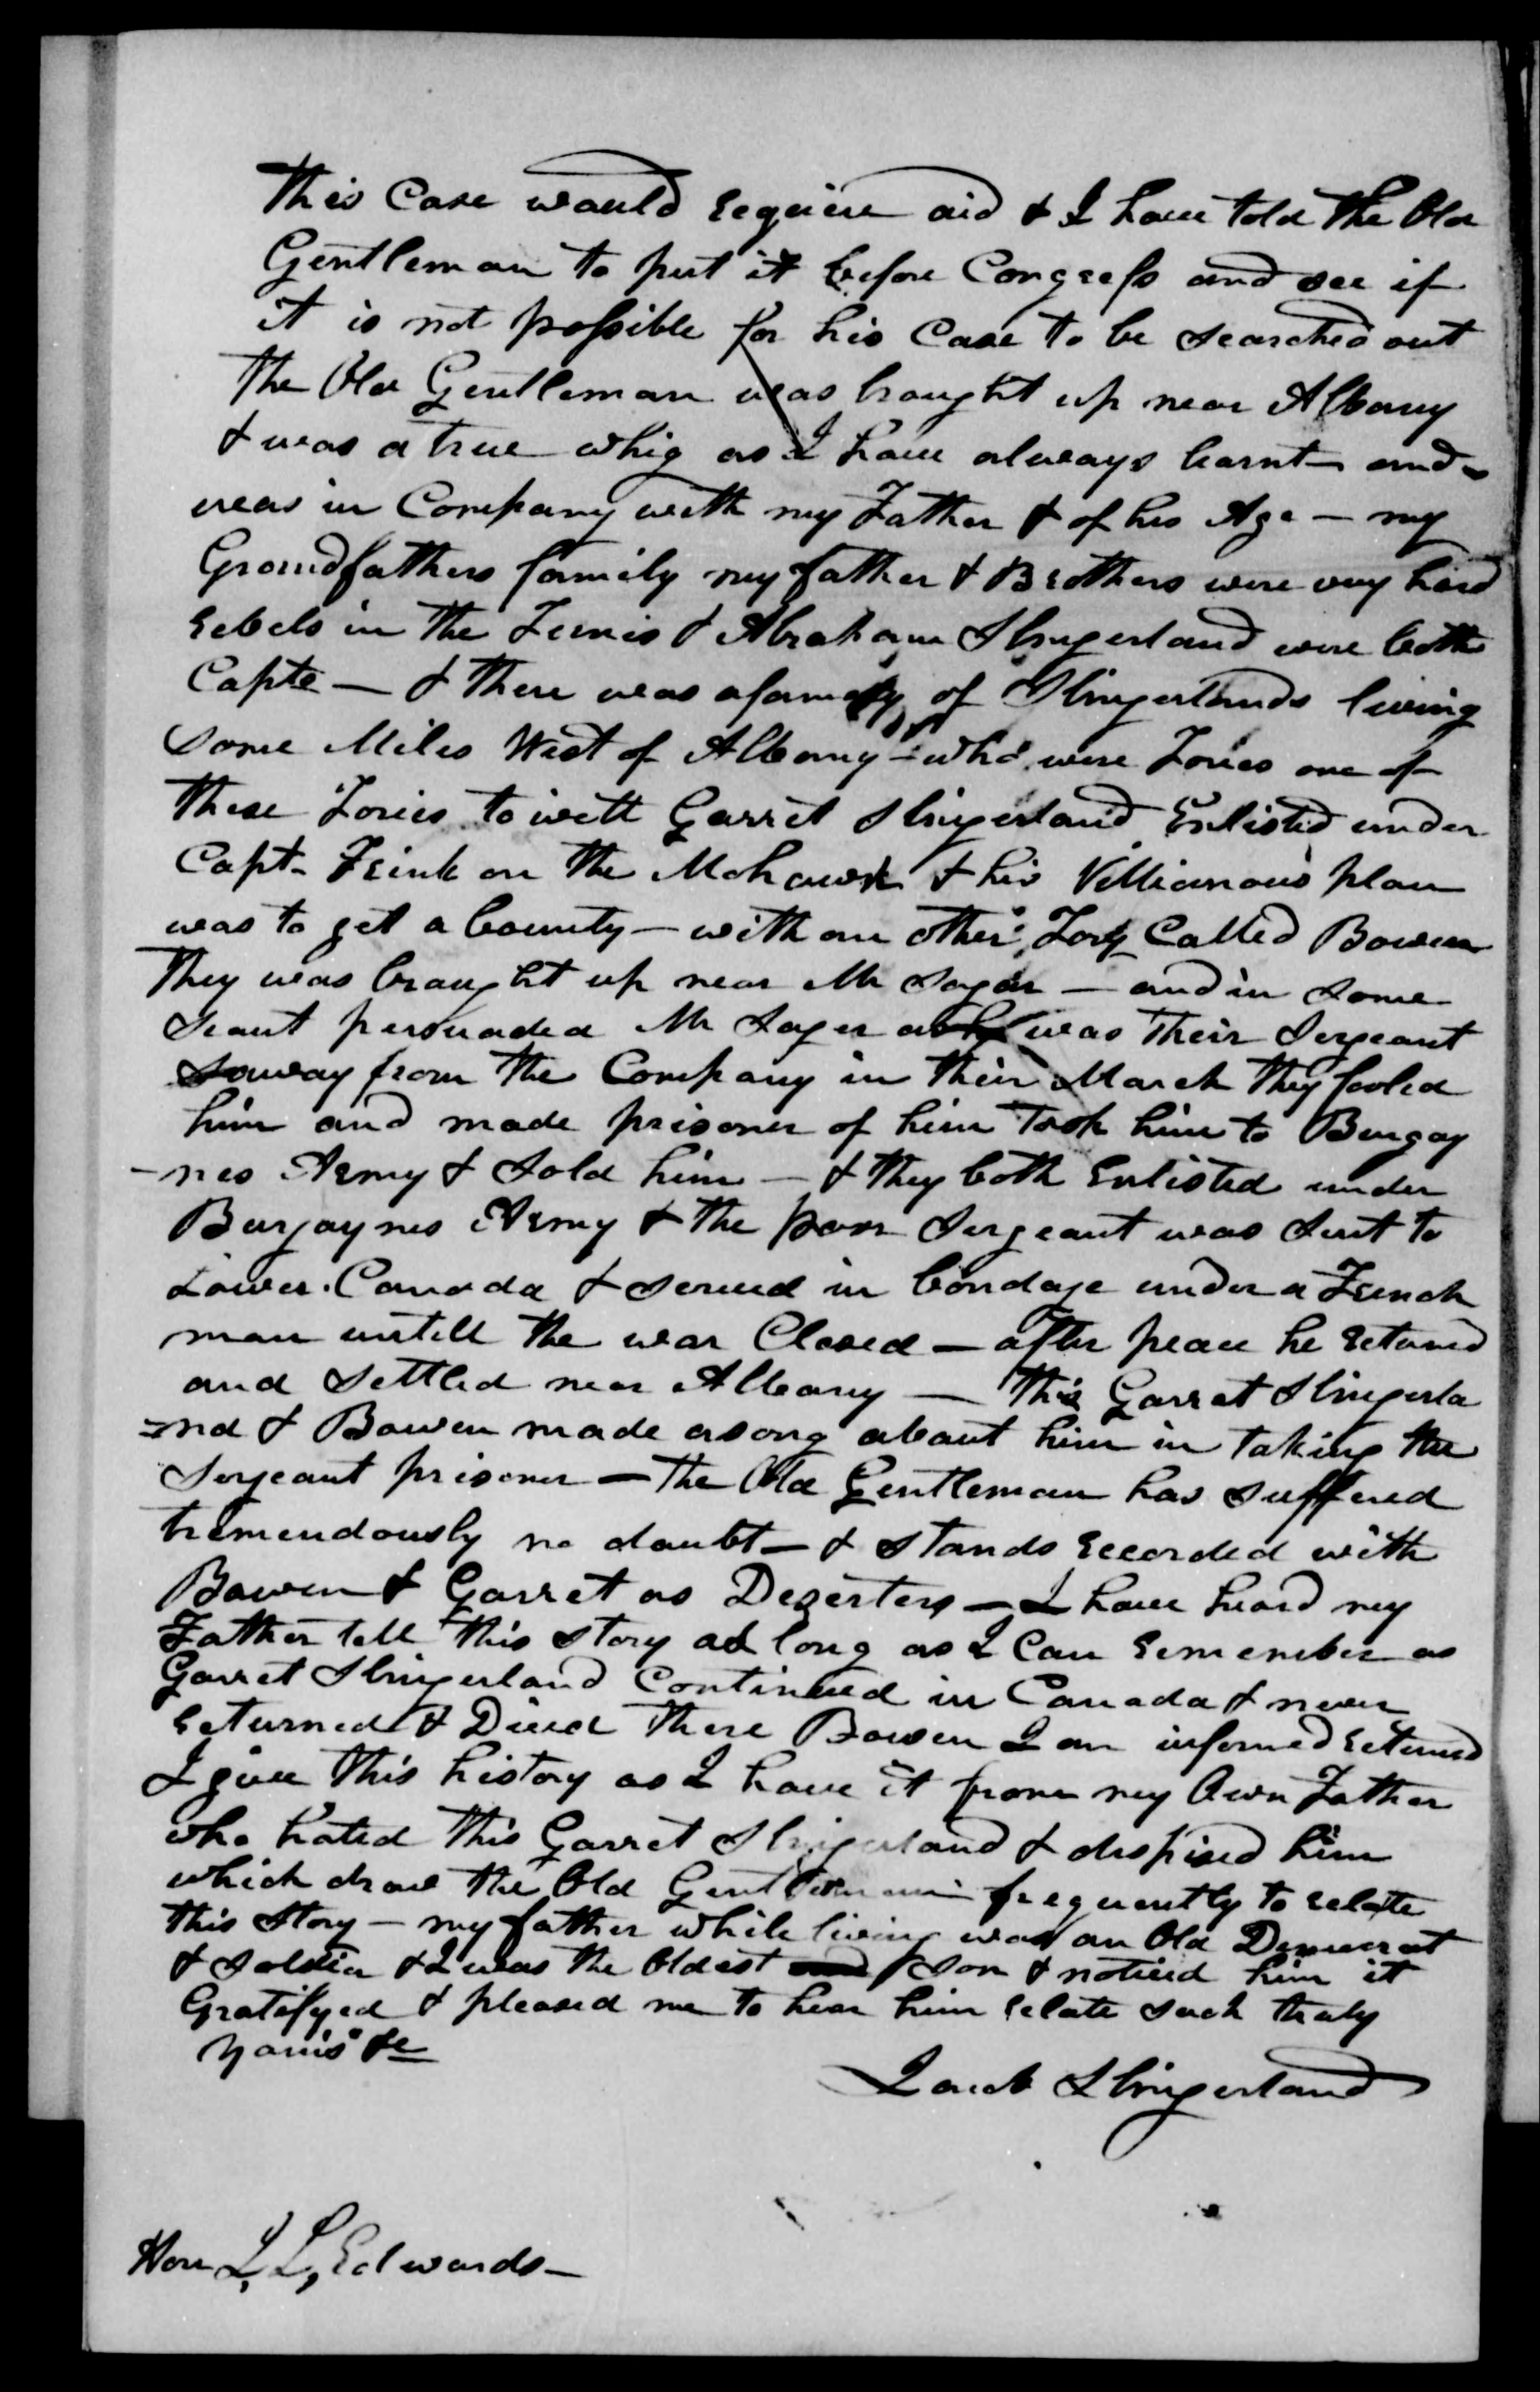this case would require aid & I have told the Old
Gentleman to put it before Congress and see if
it is not possible for his case to be searched out
The Old Gentleman was brought up near Albany
& was a true Whig as I have always learnt- and
was in Company with my Father & of his Age- my Grandfathers family my father & Brothers were very hard rebels in the Lewis & Abraham Slingerland were both Capts. - & there was a family of Slingerlands living some Miles West of Albany who were Tories one of these Tories to wit Garret Slingerland enlisted under Capt. Frink on the Mohawk & his villainous plan was to get a bounty - with one other Tory called Bowen
They was brought up near Mr Sager - and in some Scout persuaded Mr Sager as he was their sergeant so away from the Company in their March they fooled him and made him prisoner of him took him to Burgoynes  Army & Sold him - & they both enlisted under Burgoynes Army & the poor Sergeant was sent to Lower Canada & served in bondage under a French man untill the war closed-- after peace he returned and settled near Albany - this Garret Slingerland & Bowen made a song about him in taking the Sergeant prisoner - the Old Gentleman has suffered tremendously no doubt- & stands recorded with Bowen & Garret as Deserters.  I have heard my Father tell this story as long as I can remember as Garret Slingerland continued in Canada & never returned & died there Bowen I am informed returned. I give this history as I have it from my own Father who hated this Garret Slingerland & despised him which drew the old Gentleman frequently to relate this Story- my father while living was an Old Democrat & soldier & I was the oldest son & noticed him it Gratifyed & pleased me to hear him relate such truly [illegible] &c.
Jacob Slingerland

Hon J. L. Edwards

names: Abraham Slingerland; Jacob Slingerland; J L Edwards; [BLANK] Bowen; Garret [BLANK]; [BLANK] Sager; Garret Slingerland; [BLANK] Slingerland; [BLANK] Frink; Garret Slingerland; [BLANK] Bowen; Garret Slingerland; Garret Slingerland; [BLANK] Bowen; [BLANK] Bowen; [BLANK] Sager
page: 29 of 35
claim: rejected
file: R. 9601, for John Simson, New Jersey